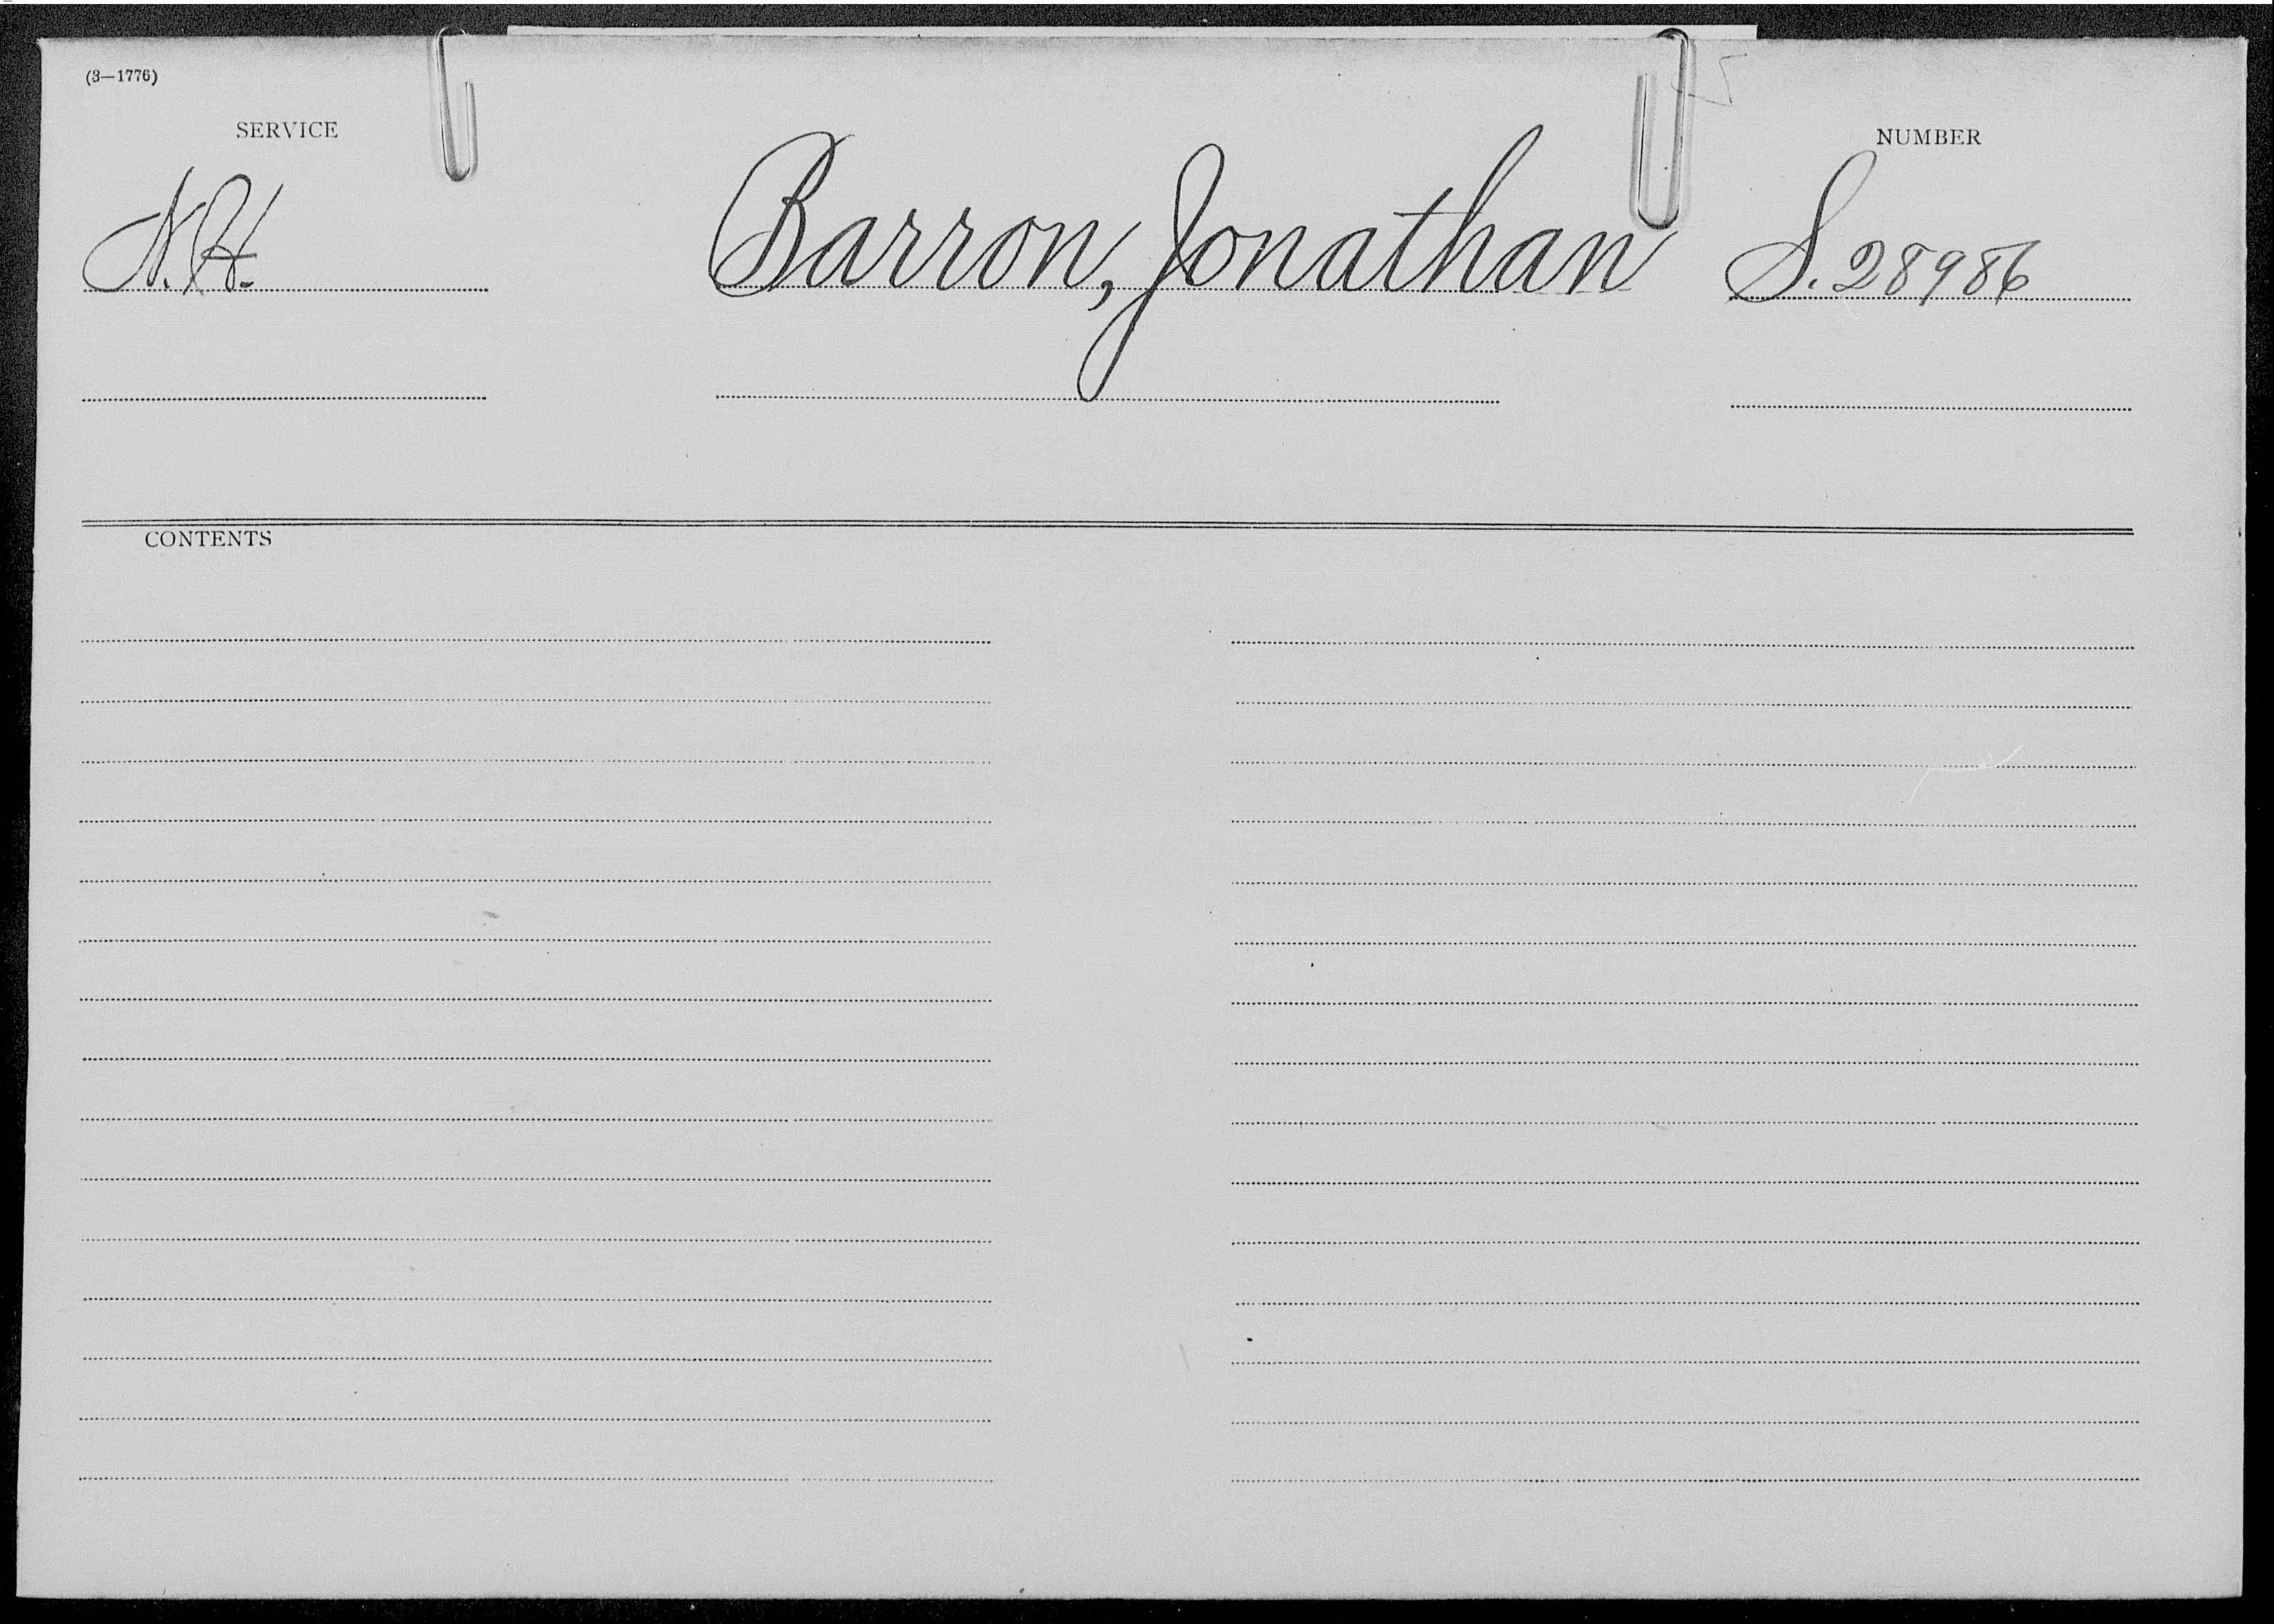(3-1776)

SERVICE
N.H.

Barron, Jonathan

NUMBER
S.28986

CONTENTS
[blank]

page: 1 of 25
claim: survivor's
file: S. 28986, Jonathan Barron, N.H.